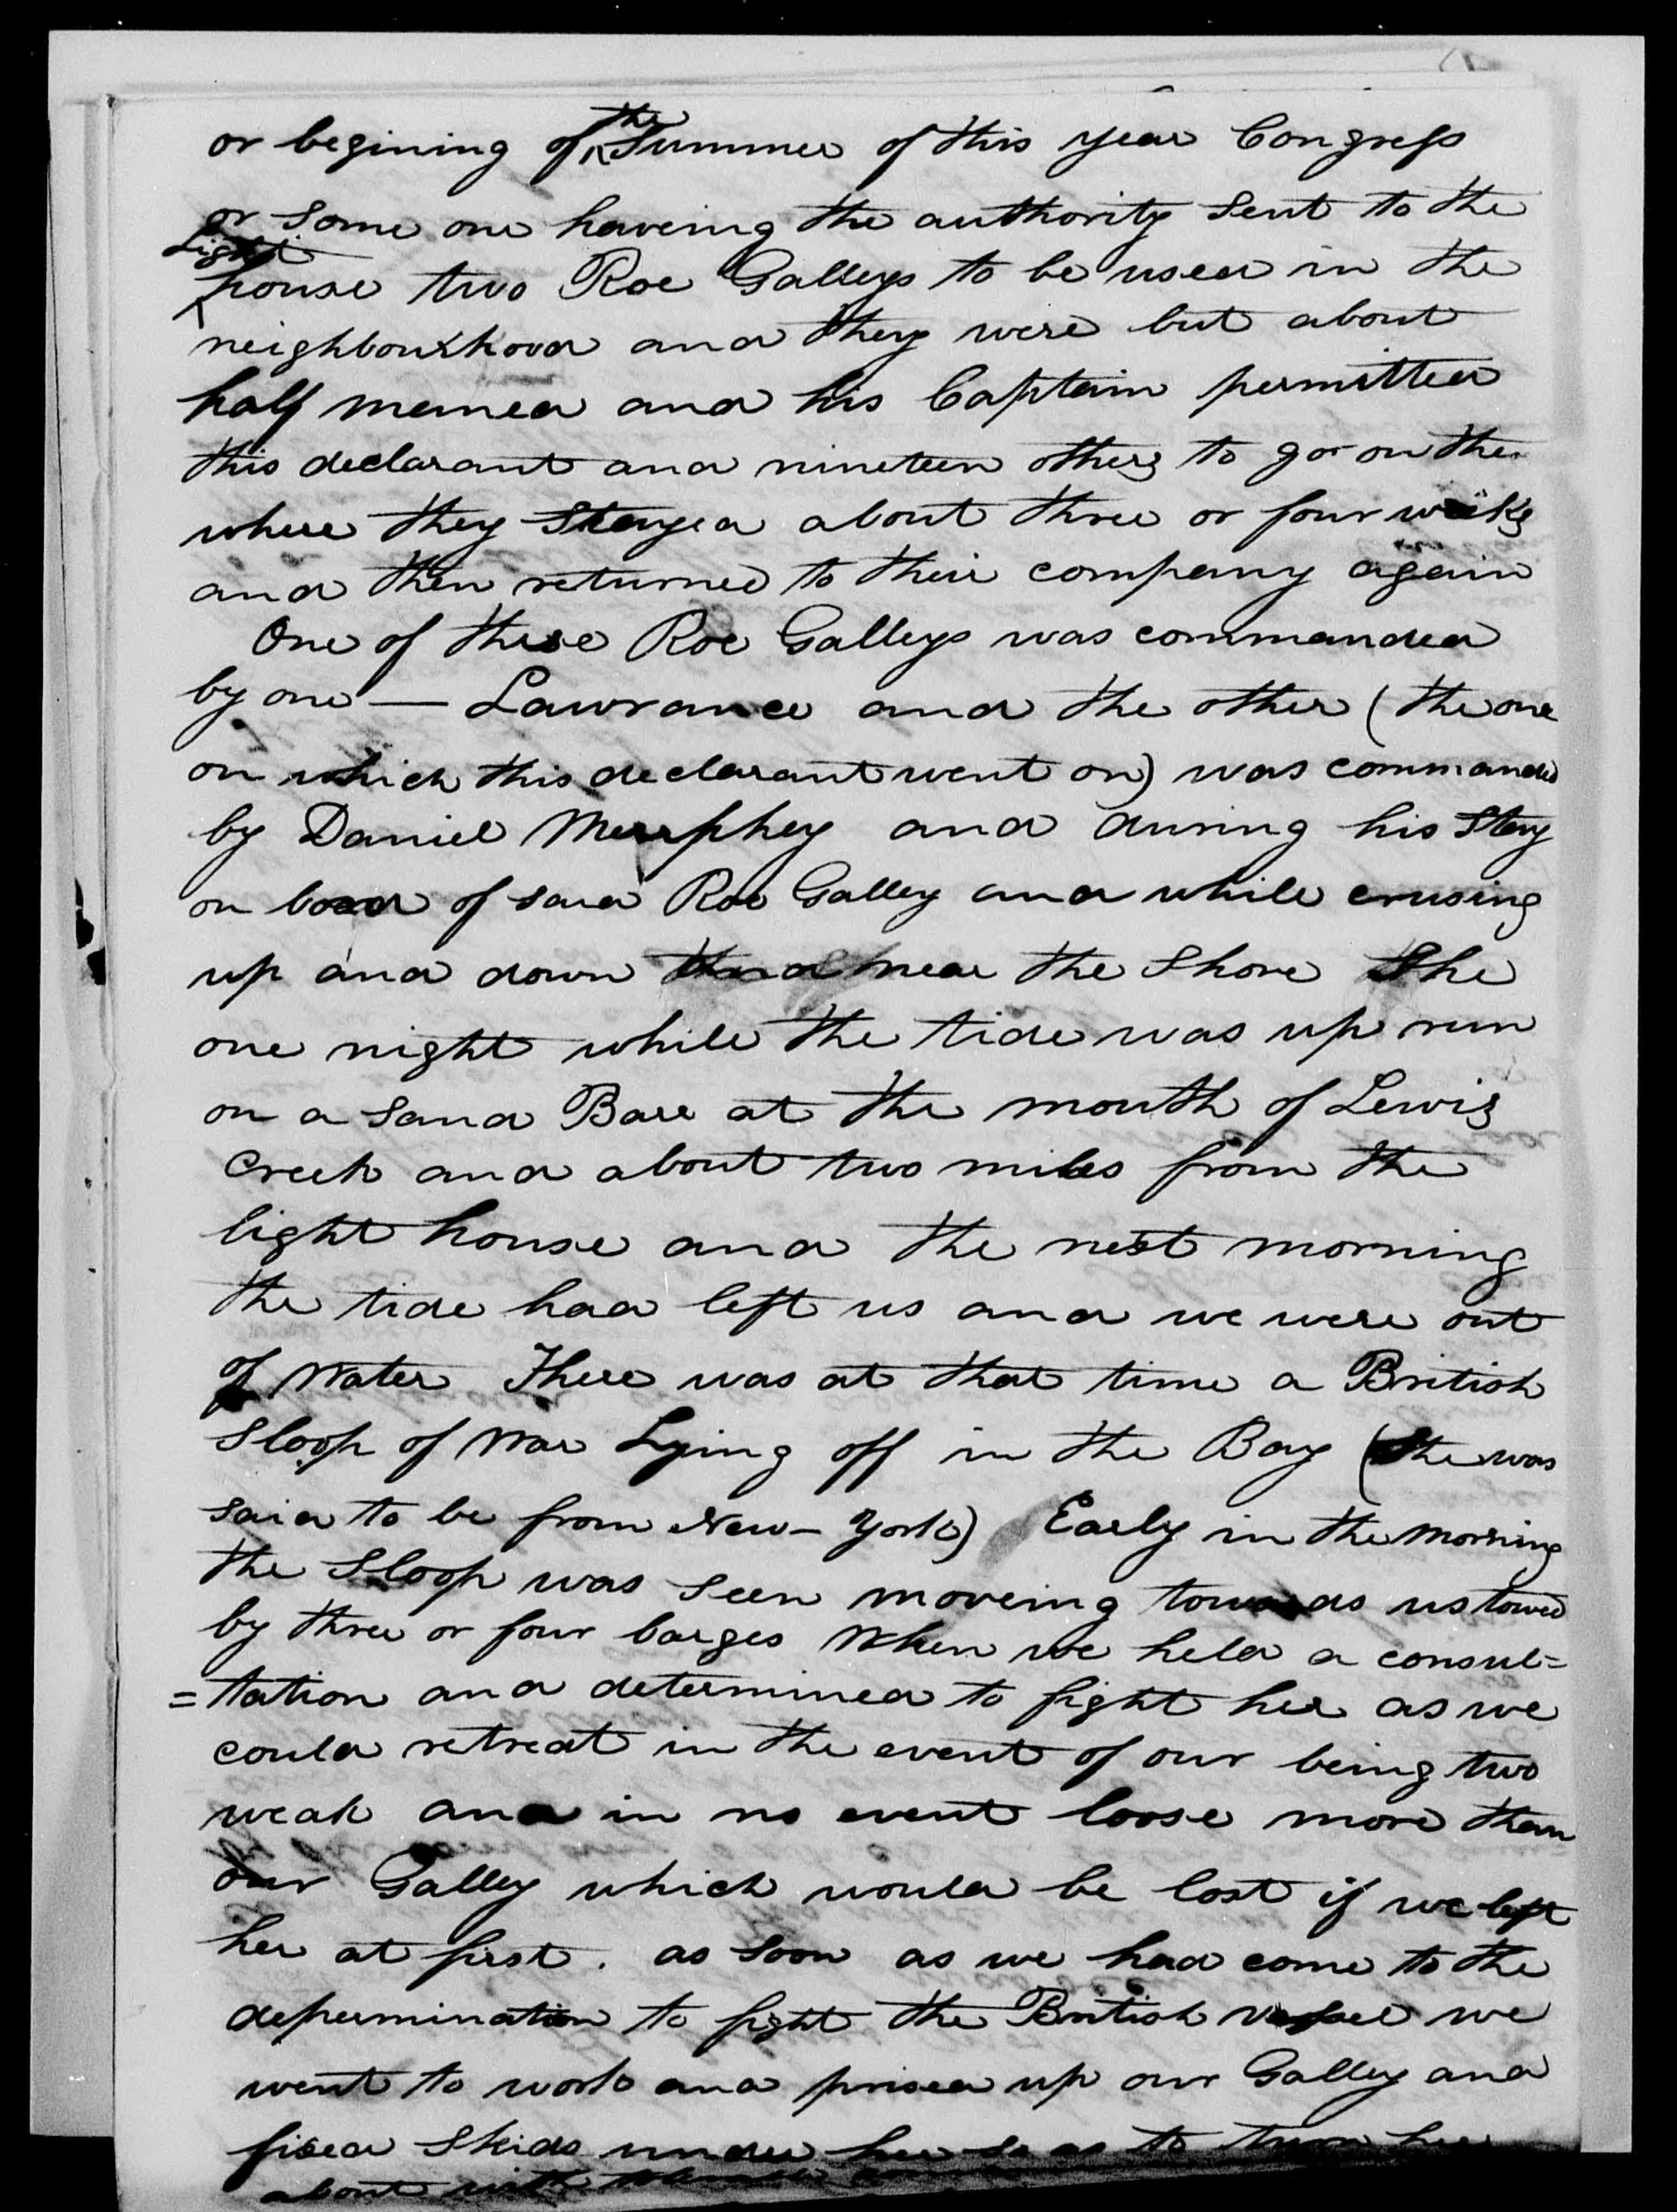(Cont’d from page 5) or beginning of teh summer of this year Congress or someone having the authority sent to the light house two Roe Galleys to be used in the neighborhood and they were but about half manned and the Captain permitted the declaration and nineteen others to go on there where they stayed about three or four weeks and then returned to their company again. 
one of these Roe Galleys was commanded by one - Lawrence and the other (the one which this declarant went on) was commanded by Daniel Murphy and during his stay on board of said Roe Galley and while cruising up and down (unknown) near the shore she one night while the tide was up run on a sand bar at the mouth of Lewis creek and about two miles from the lighthouse and the next morning the tide had left us and we were out of water.  There was at that time a British sloop of war lying off in the Bay (she as said to be from New York). Early in the morning, the sloop was seen moving towards us towed by three or four barges. When we held a consultation and determined to fight her as we could retreat in the event of our being two weak and in no event loose more than our Galley which would be lost if we left her at first.  As soon as we had come to the determination to fight the British vessel we went to work and priesed up our Galley and (unknown) skids under her so as to (illegible)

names: Daniel Murphey; [BLANK] Lawrance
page: 6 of 25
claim: survivor's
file: S. 13789, for Samuel Lockwood, Delaware